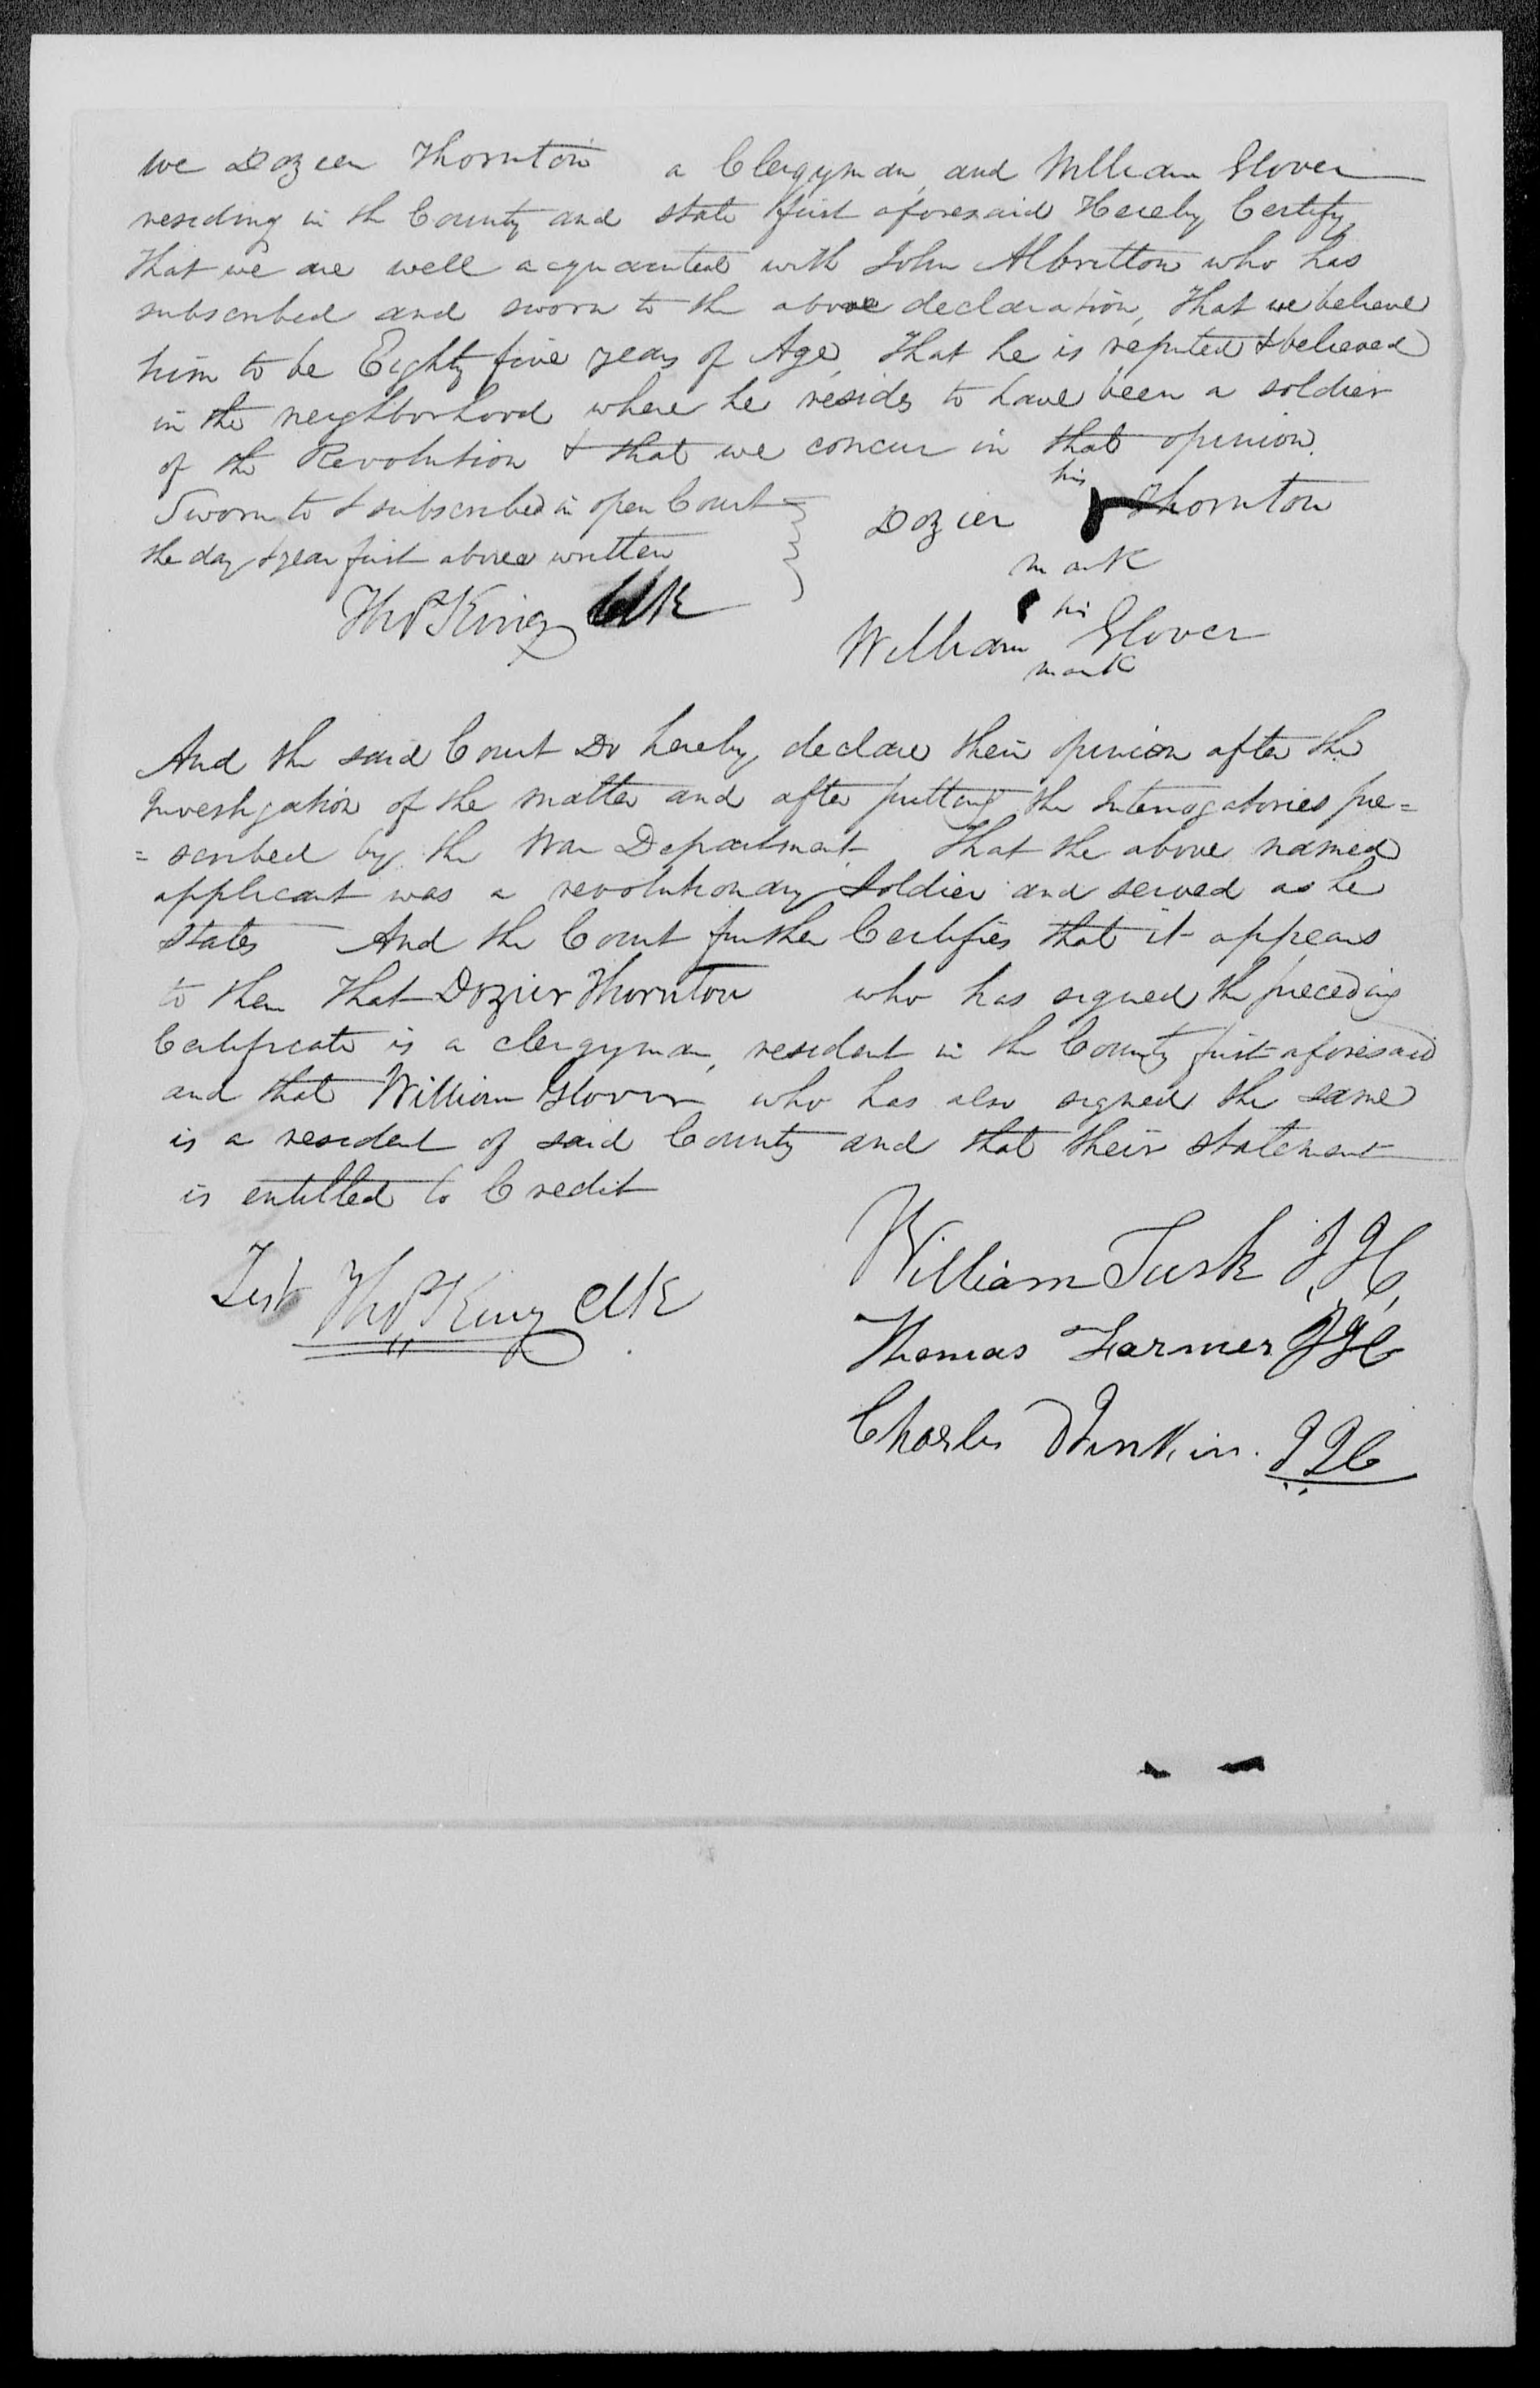We Dozier Thornton, a Clergyman, and William Glover residing in the County and state first aforesaid Hereby Certify that we are well acquainted with John Albritton who has subscribed and sworn to the above declaration, That we believe him to be Eighty five years of Age, That he is reputed & believed in the neighborhood where he resides to have been a soldier of the Revolution & that we concur in that opinion
Dozier [his X mark] Thornton
William [his x mark] Glover
Sworn to & subscribed in open Court the day & year first above written.
Thos King, Clk
And the said Court do hereby declare their opinion after the investigation of the matter and after putting the Interrogatories prescribed by the War Department. That the above named applicant was a revolutionary Soldier and served as he states. And the Court further Certifies that it appears to them that Dozier Thornton who has signed the preceding certificate is a clergyman, resident in the County first aforesaid and that William Glover who has also signed the same is a resident of said County and that their statement is entitled to Credit.
Test Thos King Clk
William Lusk J. J. C.
Thomas Farmer J. J. C.
Charles Jenkin J. J. C.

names: William Glover, William Glover, Thos King, Charles D Jenkin, Dozier Thornton, Dozier Thornton, Thos King, John Albritton, Thomas Farmer, Dozier Thornton, William Glover, William Susk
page: 6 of 22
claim: survivor's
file: S. 31,517, John Allbritton, S.C.